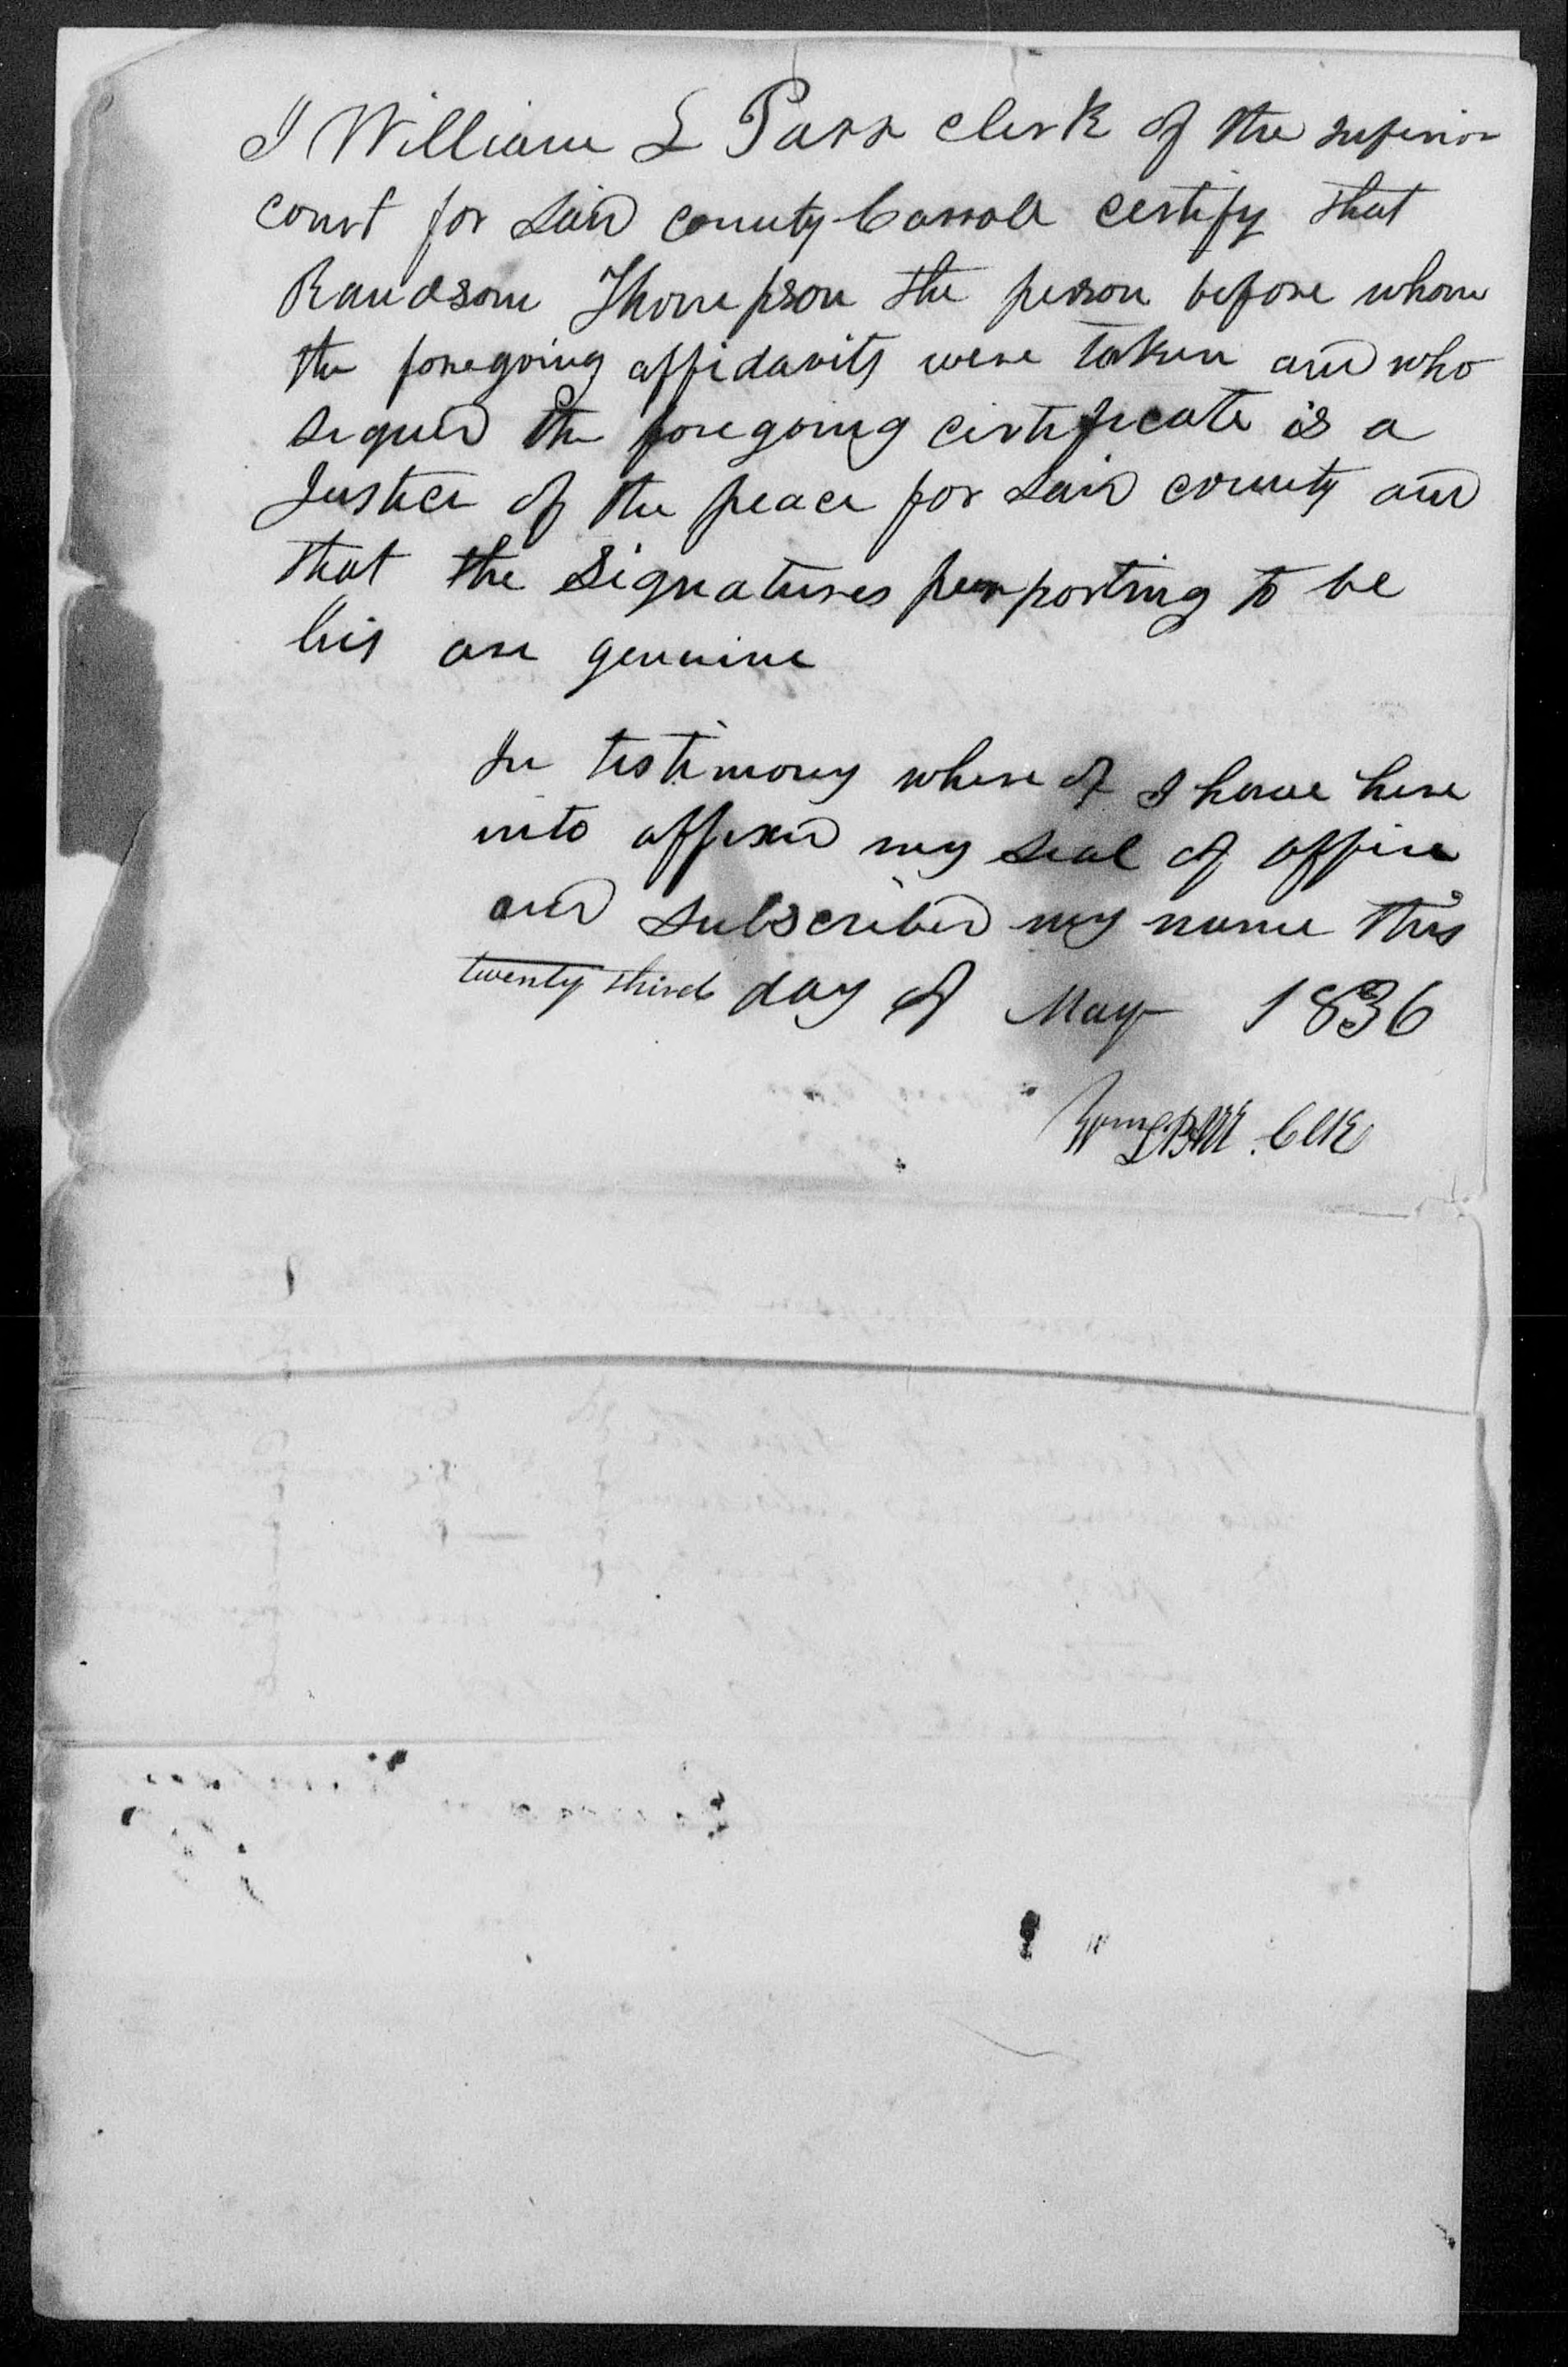I, William S. Parr, clerk of the inferior court for said county Carroll certify that Randsom Thompson, the person before whom the foregoing affidavits were taken, and who signed the foregoing certificate is a Justice of the Peace for said county and that the signatures reporting to be his are genuine.

In testimony whereof, I have here unto affix my seal of the office and subscribe my name this twenty-third day of May,1836

Signature: William Parr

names: Wm L Parr, Randsom Thompson, William L Parr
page: 27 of 42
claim: survivor's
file: S. 31,595, John Carmickele, Penn.